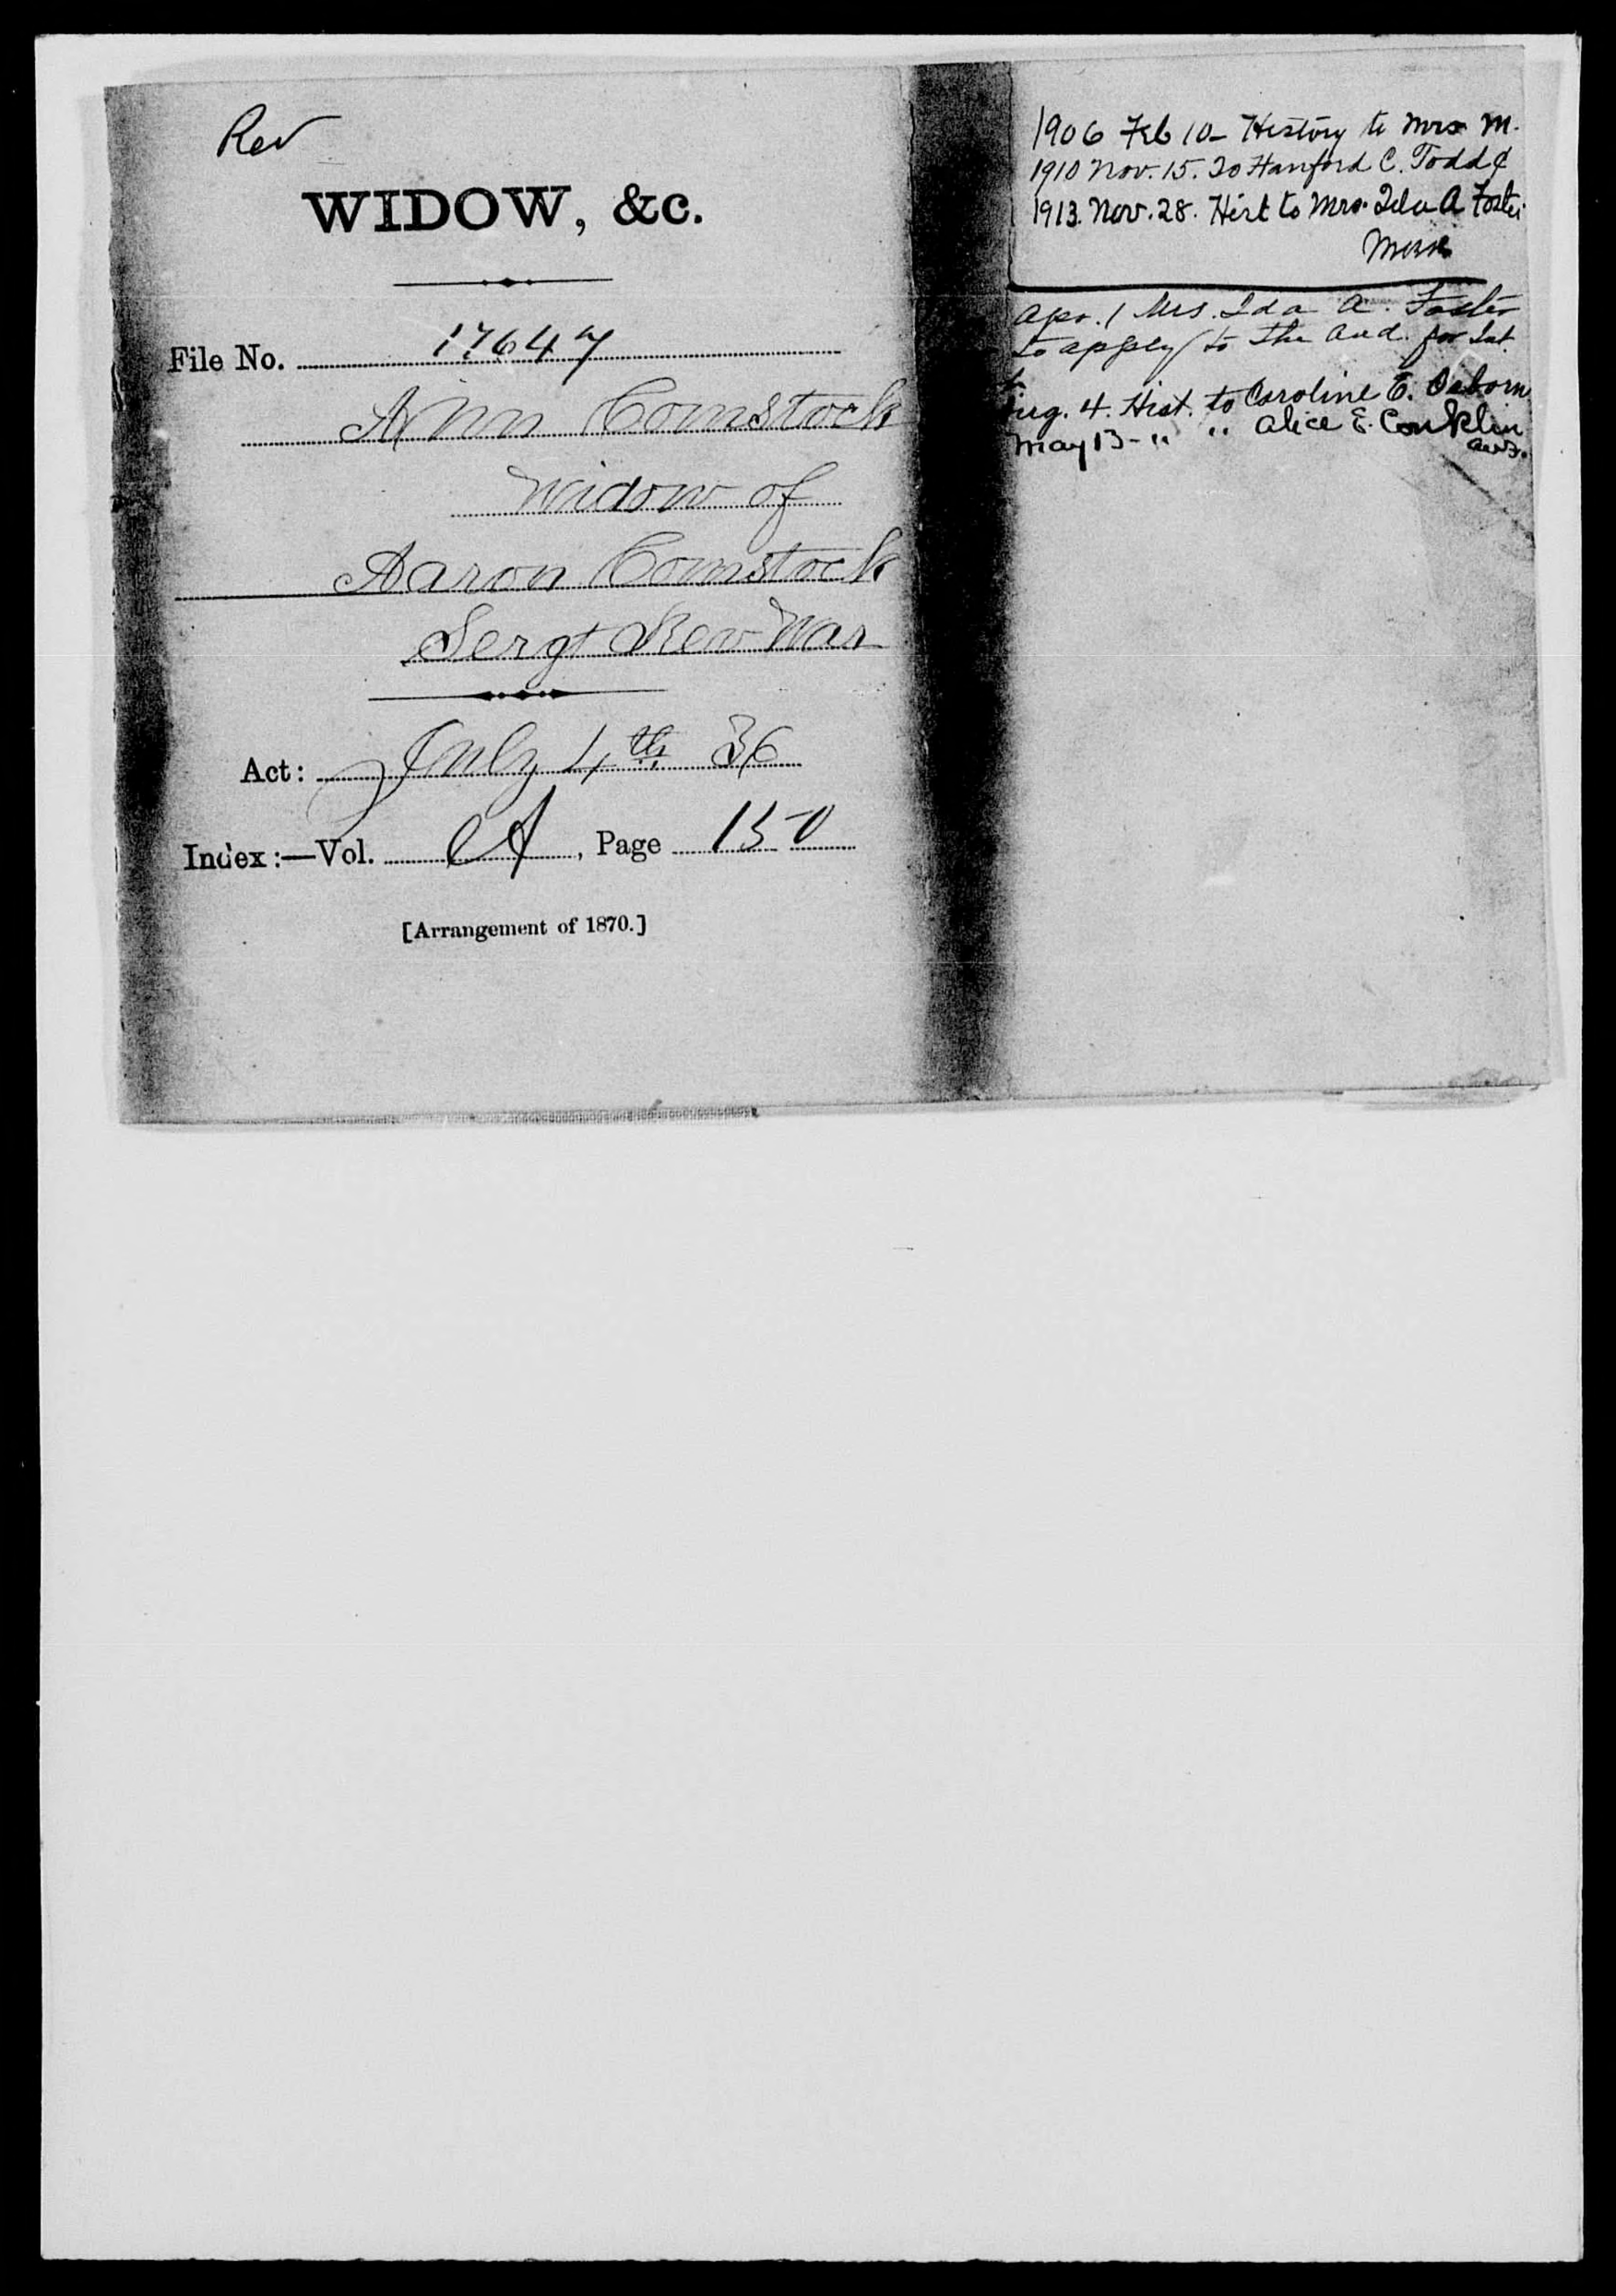Rev
WIDOW, &c.

File No. 17647
Ann Comstock
widow of
Aaron Comstock
Sergt Rev War

Act: July 4th 36
Index:-Vol. A, Page 150

[Arrangement of 1870.]

[right page] 1906 Feb 10- History to Mrs. M.
1910 Nov. 15. To Hanford C. Todd ¢
1913. Nov. 28. Hist to Mrs. Ida A Foster
MNK

Apr. 1 Mrs. Ida A. Foster to apply to the And for lat.
[illegible]
Aug. 4. Hist. to Caroline C. Osborn
May 13 - " " Alice E. Conklin
[illegible]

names: Alice E Conklin, Ida A Foster, Caroline E Osborn, Ann Comstock, Aaron Comstock, Ida A Foster, Hanford C Todd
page: 32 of 43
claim: widow's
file: W. 17,647, Aaron Comstock, Conn.